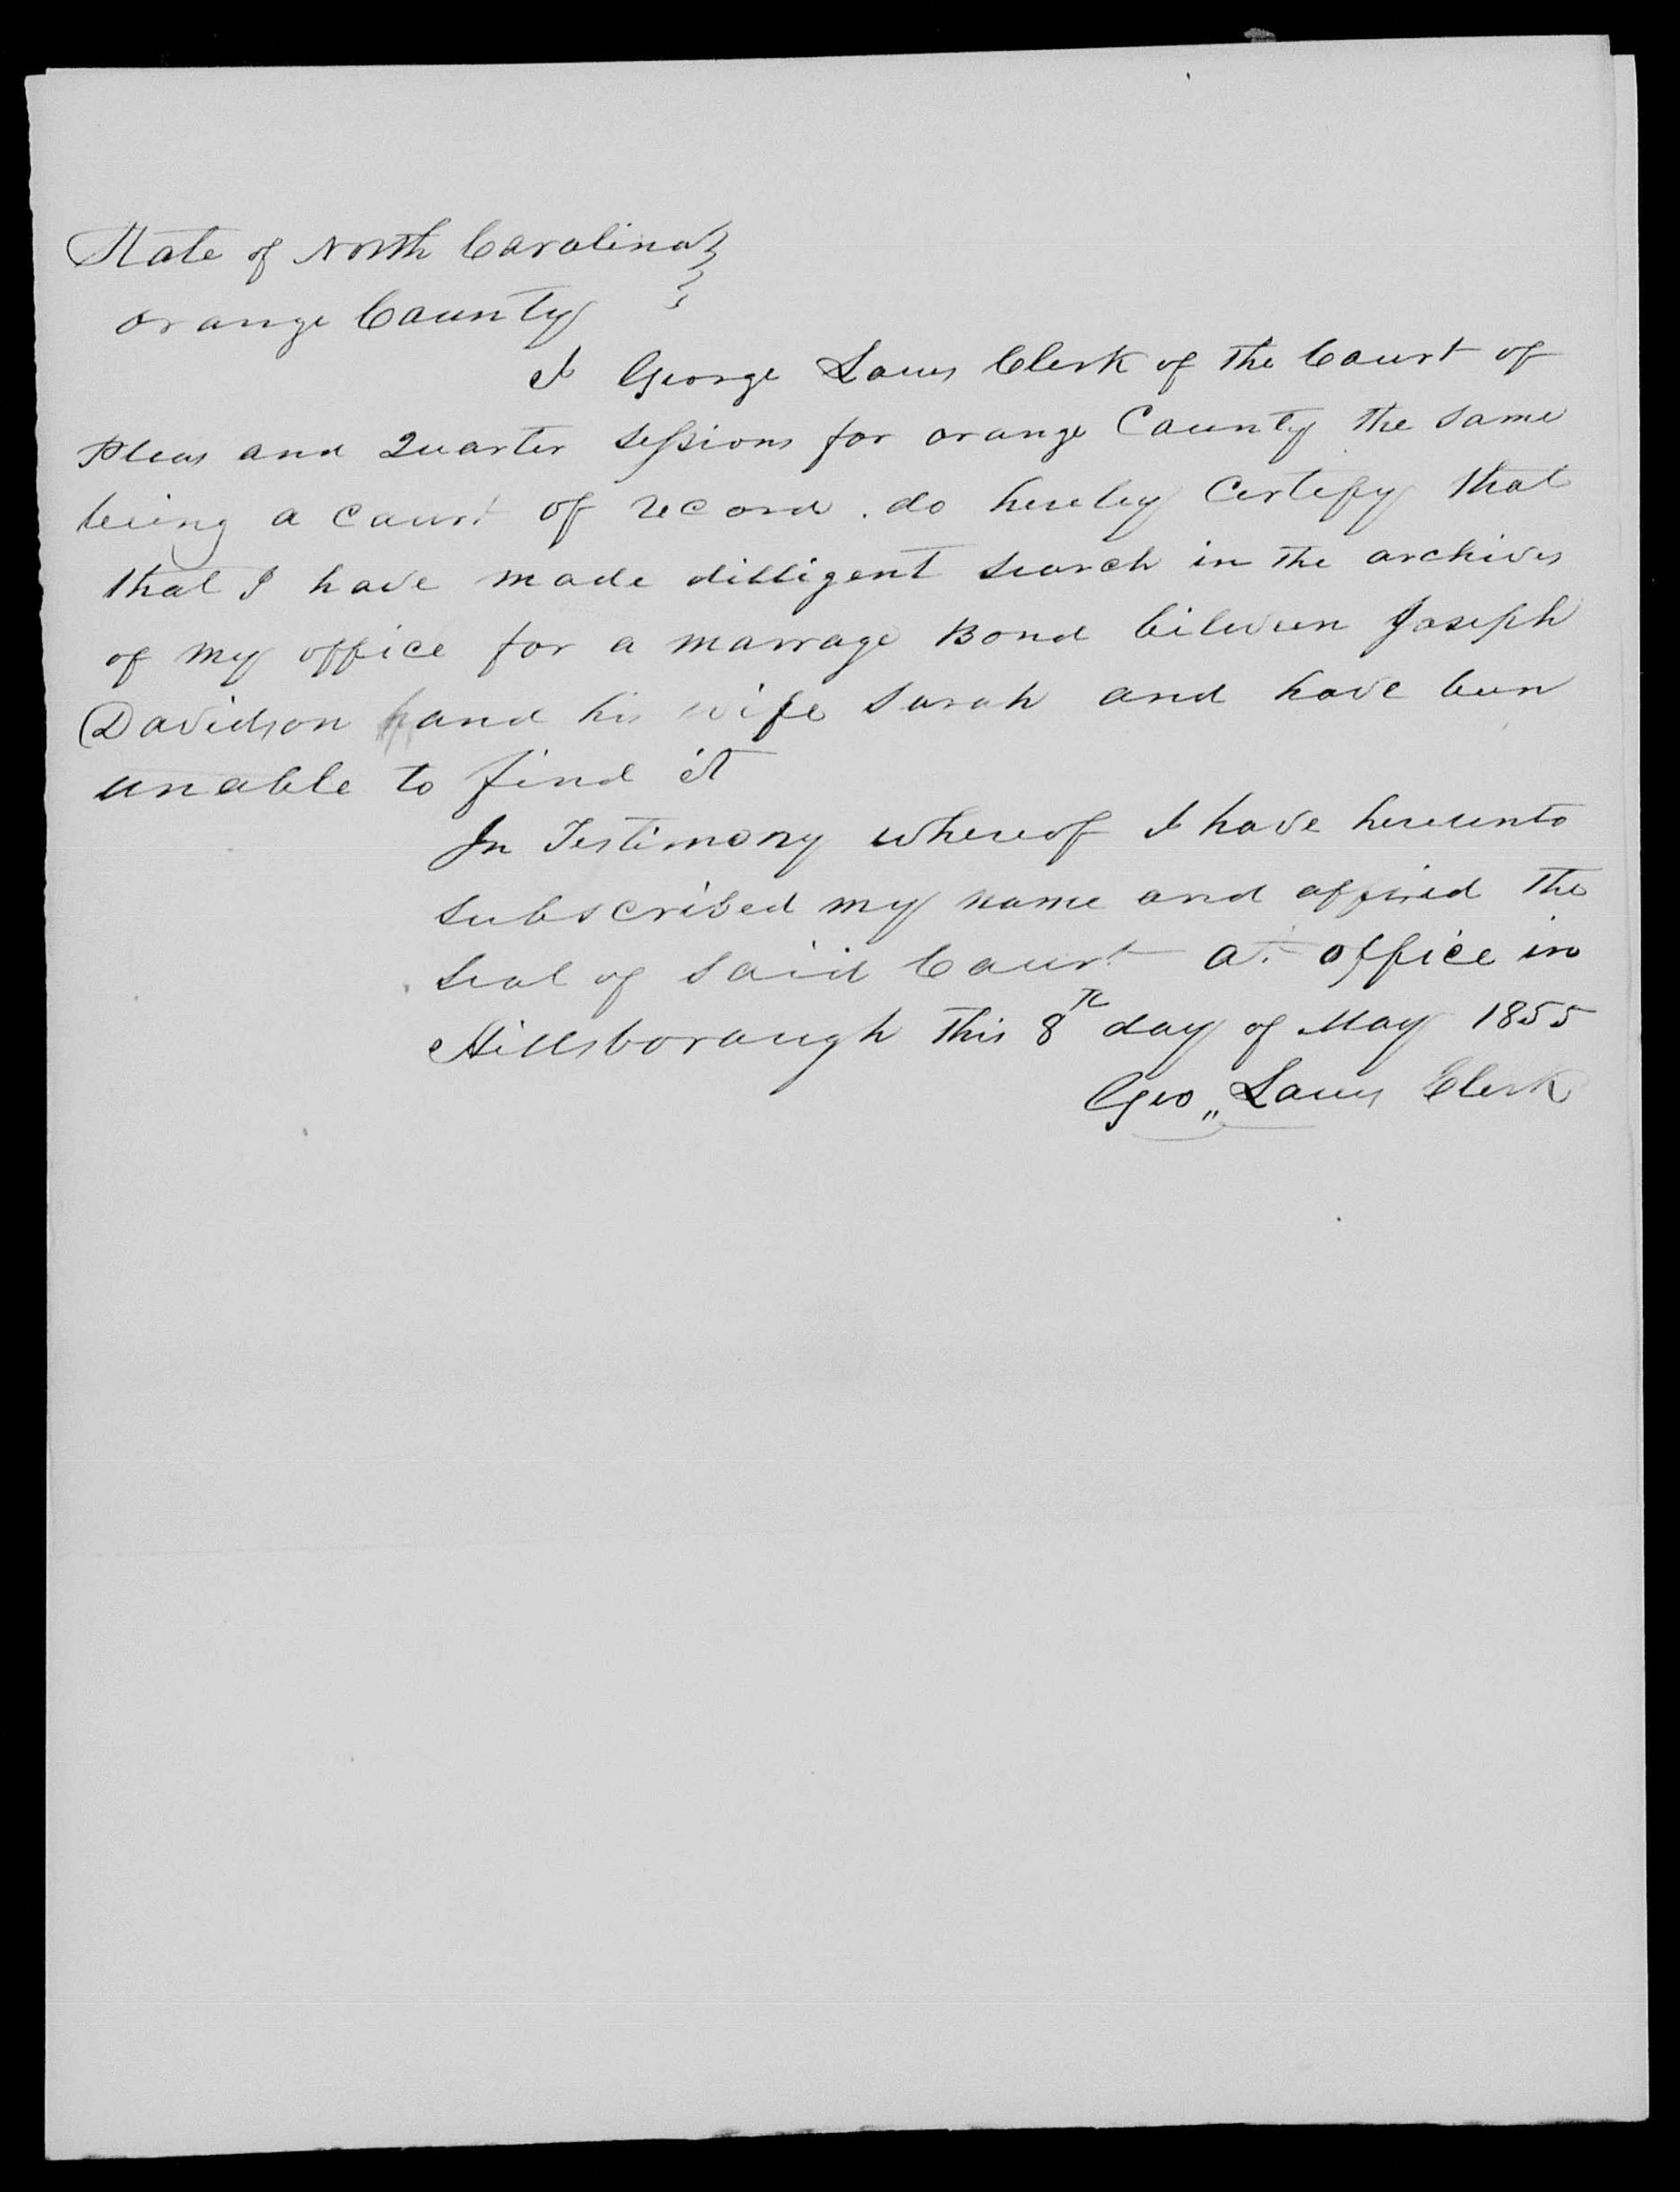State of North Carolina
Orange County
I George Law Clerk of the Court of Pleas and Quarter Sessions for Orange County the same being a Court of record do hereby certify that that I have made diligent search in the archives of my office for a marrage Bond between Joseph Davidson and his wife Sarah and have been unable to find it 
In Testimony whereof I have hereunto
subscribed my name and affixed the
Seal of said Court at office in
Hillsborough this 8th day of May 1855
Geo. Law Clerk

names: Sarah, Joseph Davidson, George Louis, Geo Louis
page: 36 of 63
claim: widow's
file: W. 4175, Joseph Davidson, N.C.